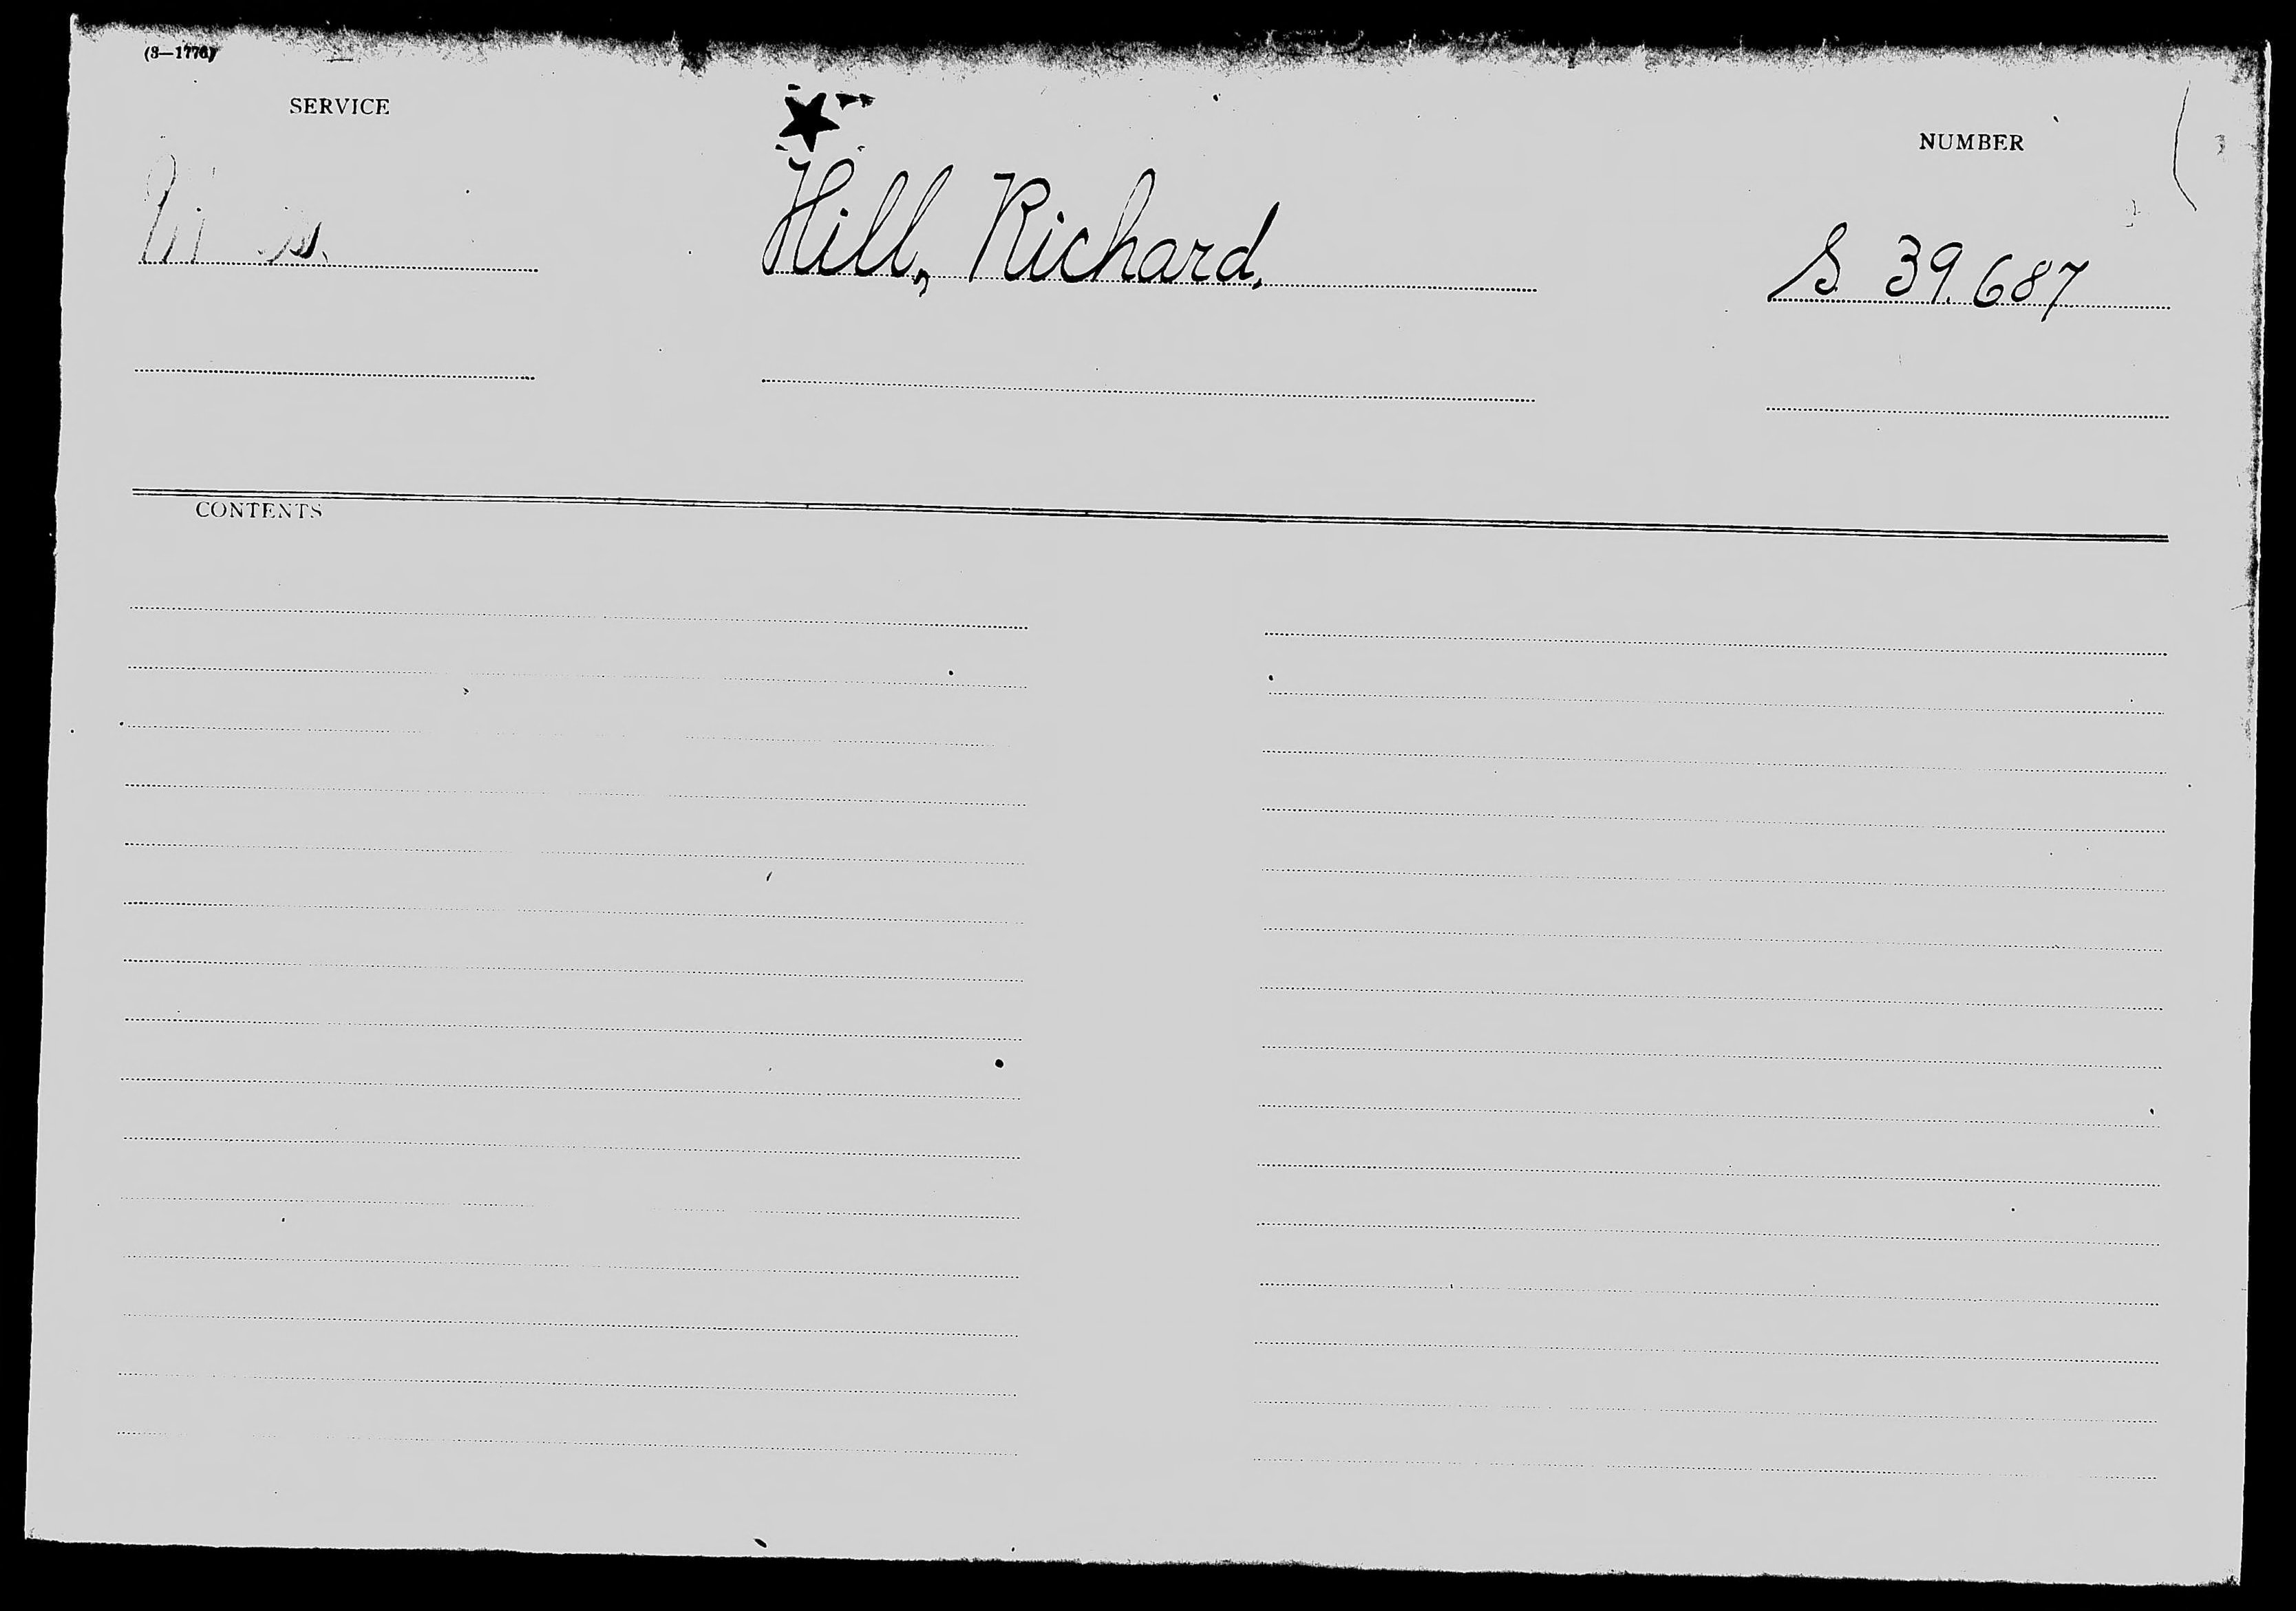(3-1776)  
SERVICE [stamp of a star] NUMBER
[handwritten] Mass, Hill, Richard   S 39687 [/handwritten]
CONTENTS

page: 1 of 7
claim: survivor's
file: S 39,687, Richard Hill, Mass.